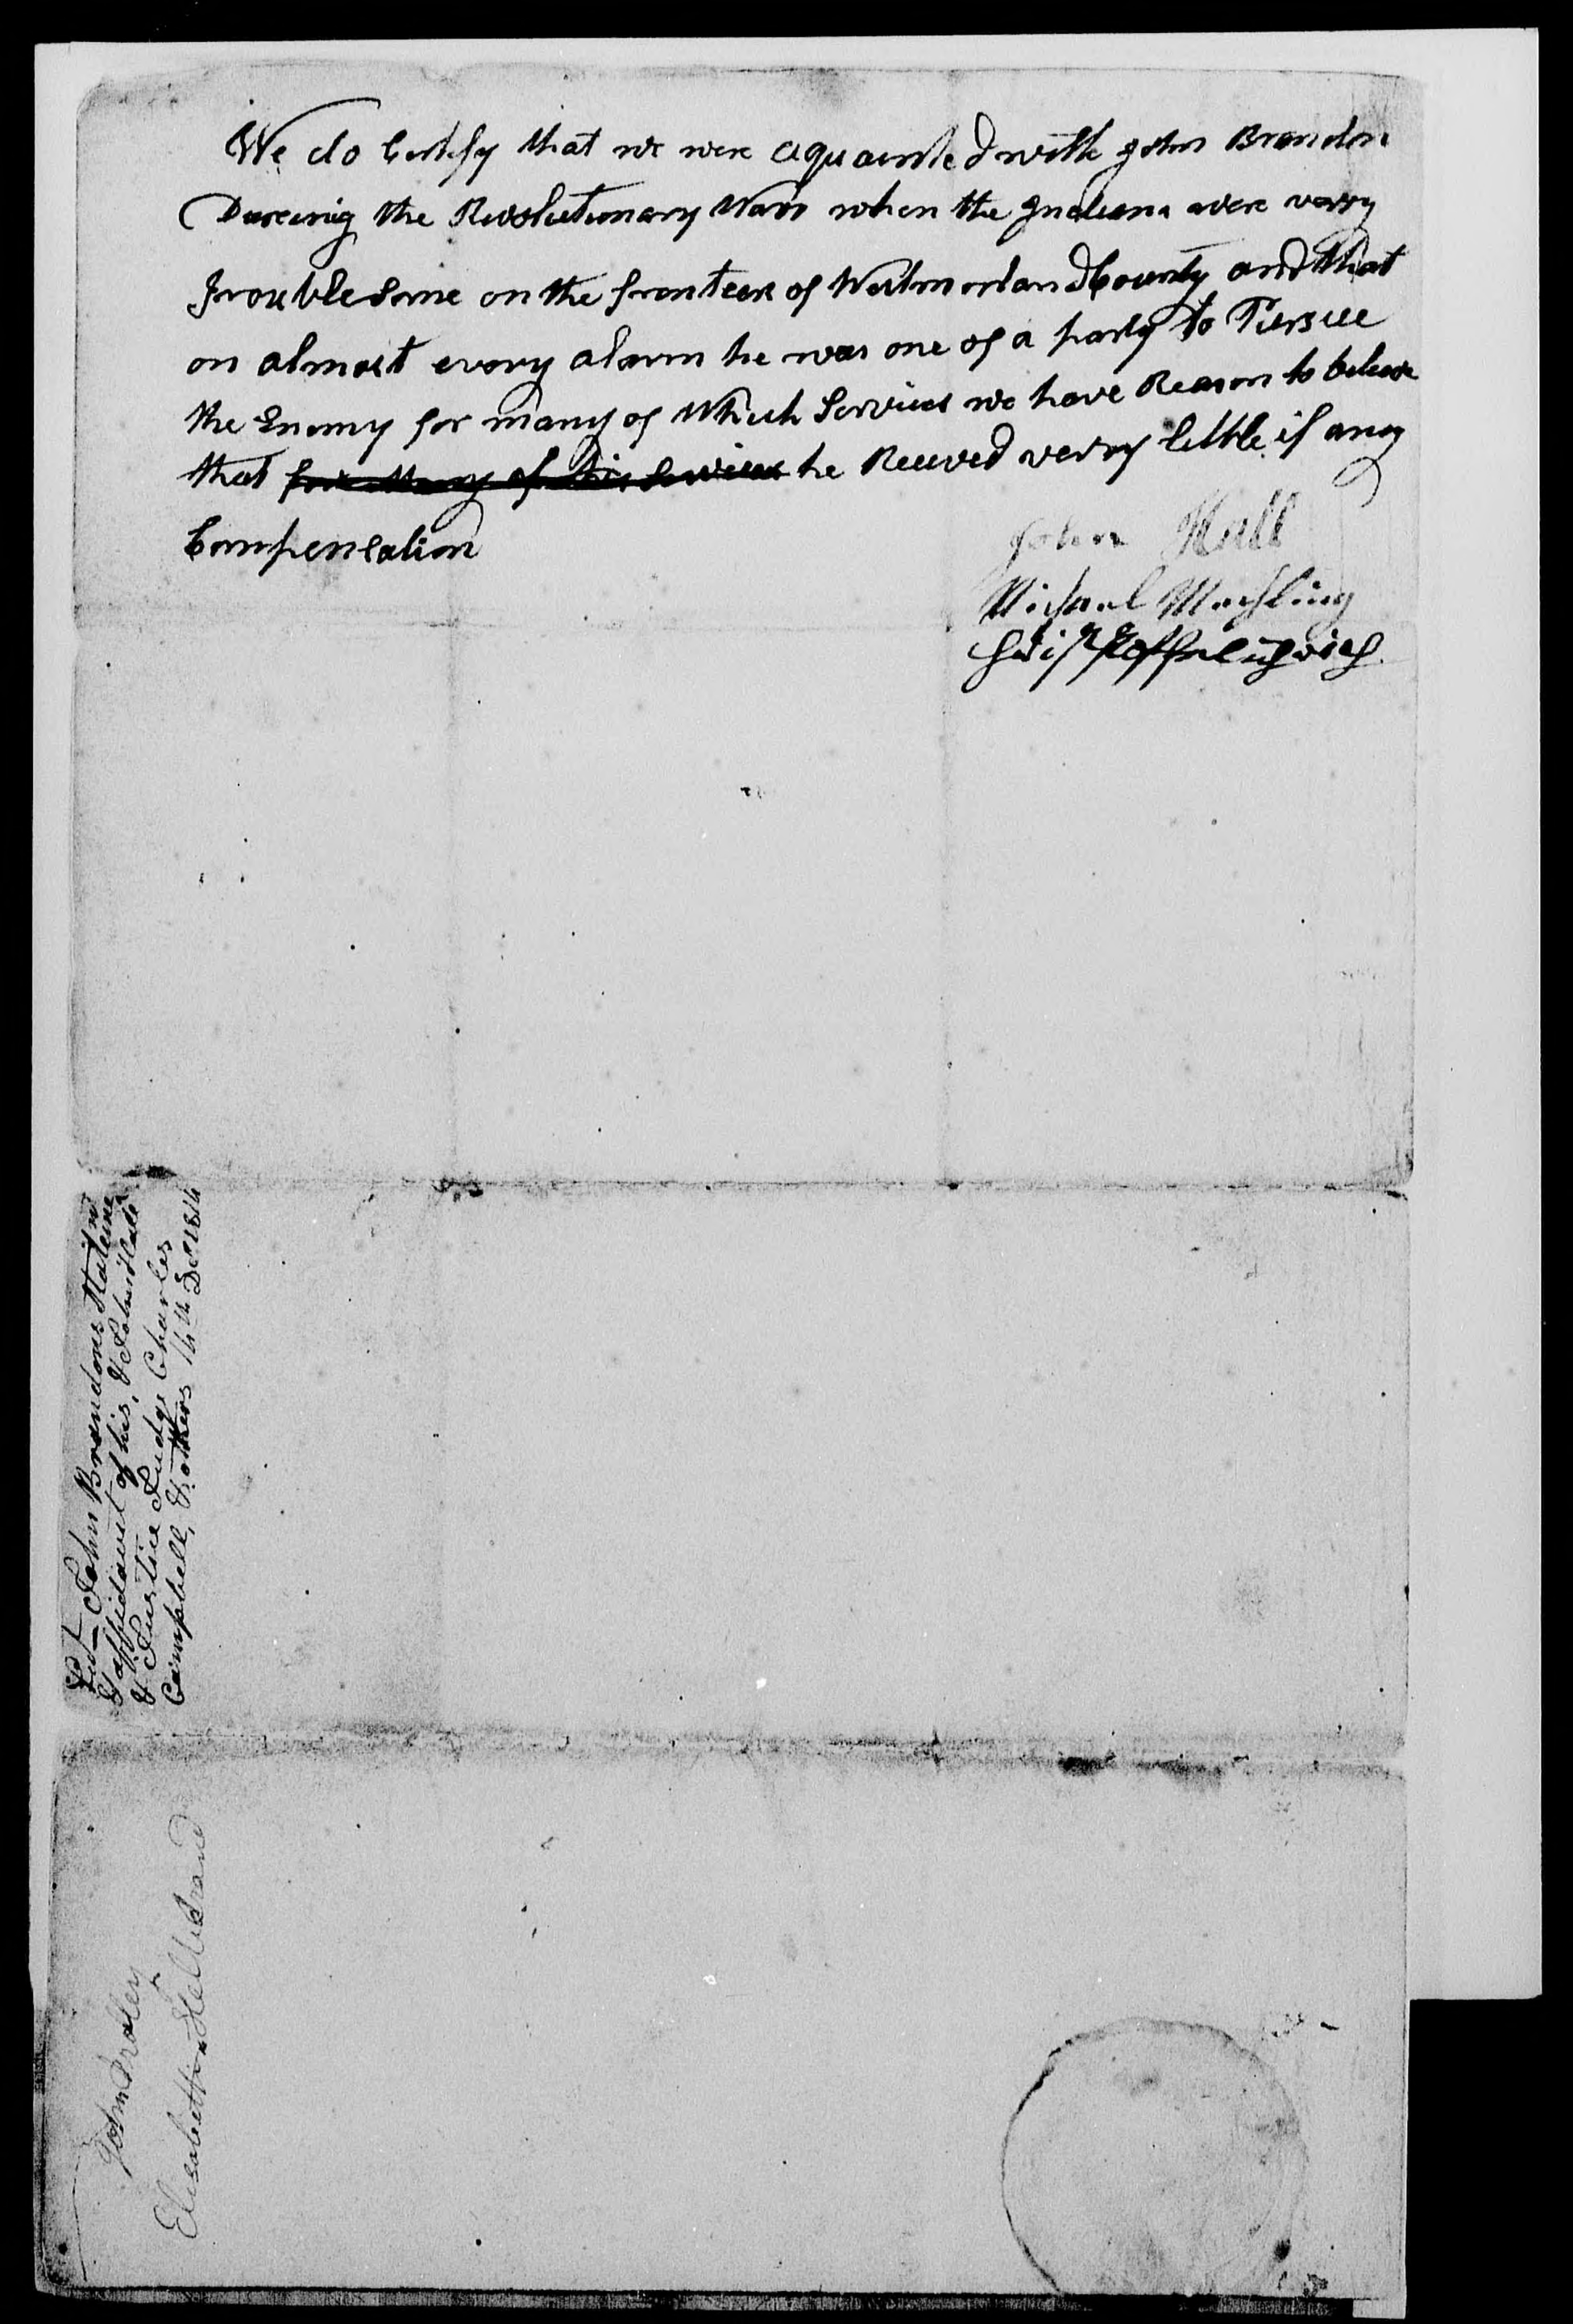We do certify that we were acquainted with John Brandon During the Revolutionary War when the Indians were very Troublesome on the frontier of Westmoreland County and that on almost every alarm he was one of a party to Pursue the Enemy for many of Which Services we have Reason to believe that he received very little if any Compensation
John Hall
Michael Muesling
[illegible]

John Trolley
Elizabeth Hellibrand

Liet John Brandons statement & affidavit of his, & Joshua Hall & Justice Judge Charles Campbell, & others 11th Dec 1814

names: Charles Campbell, Elisabeth Hellibrand, , John Hall, John Jrolley, John Brandom, John Brandon, Micheal Muesling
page: 11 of 83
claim: widow's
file: W. 5946, John Brandon, Penn